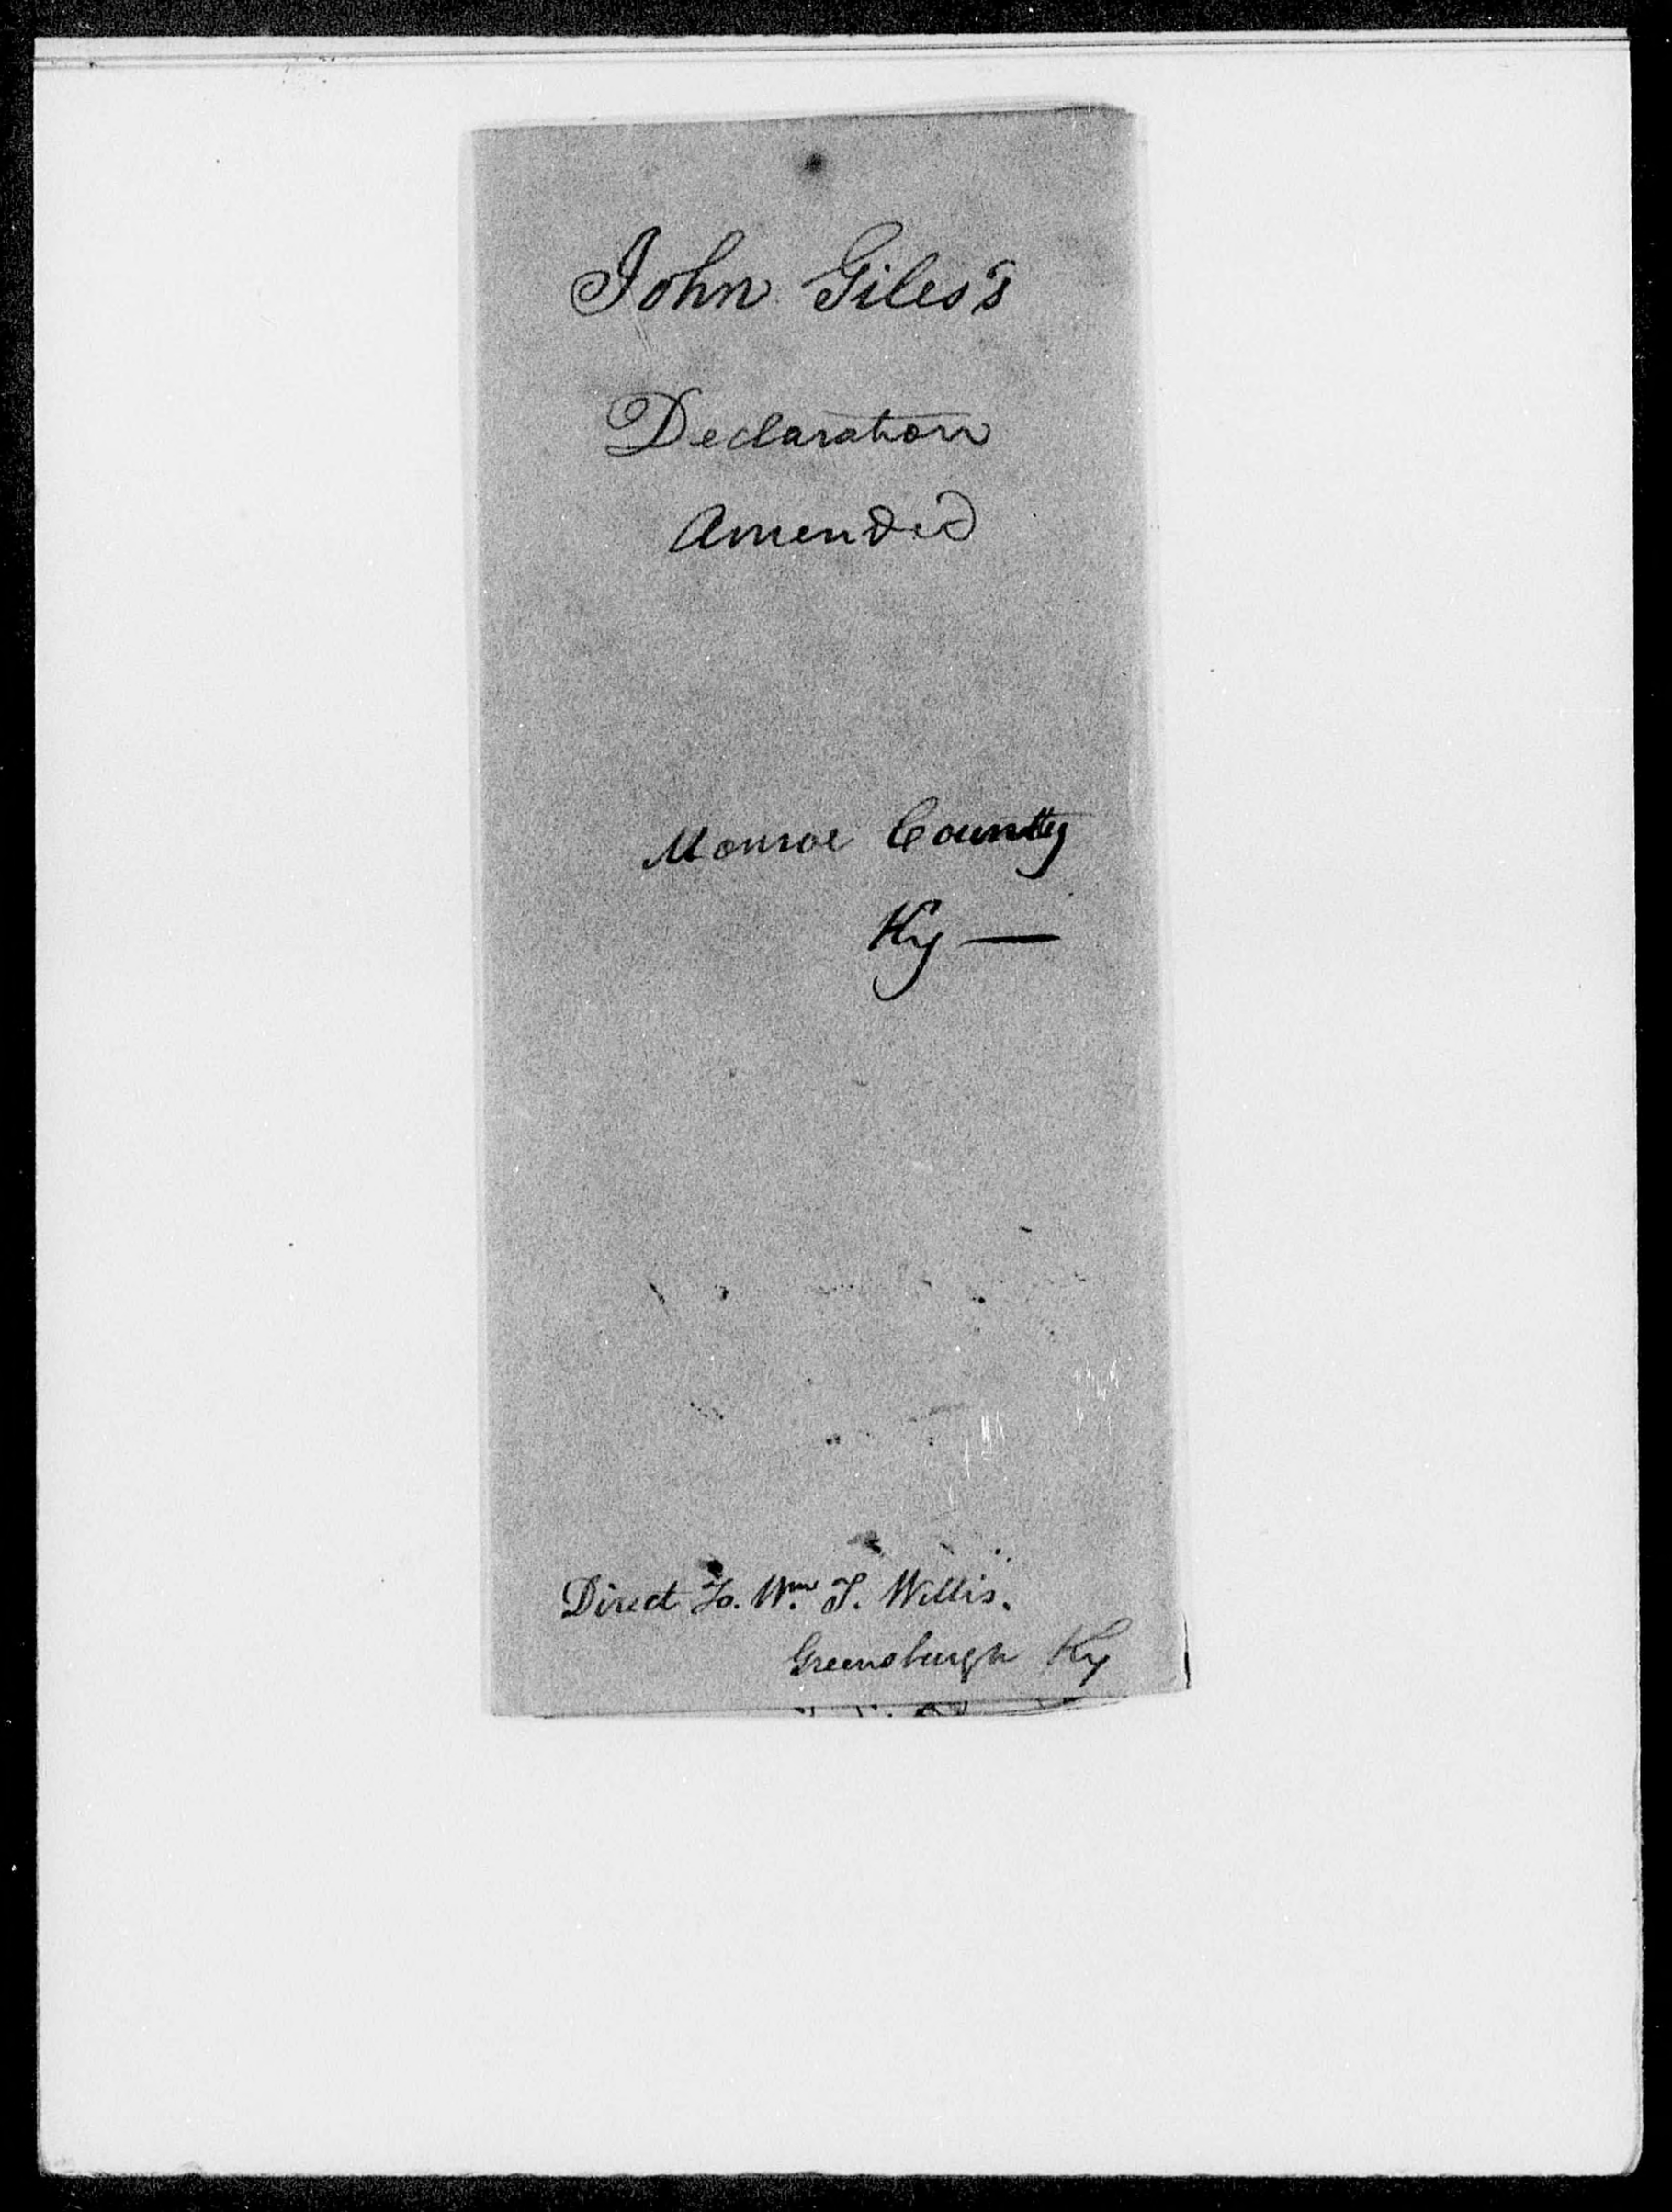John Giles

Declaration
Amended


Monroe County
Ky


Direct to Wm. T. Willis
Greensburgh Ky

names: Wm T Willis, John Giles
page: 65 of 82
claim: widow's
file: W. 7,522, John Giles, N.C.